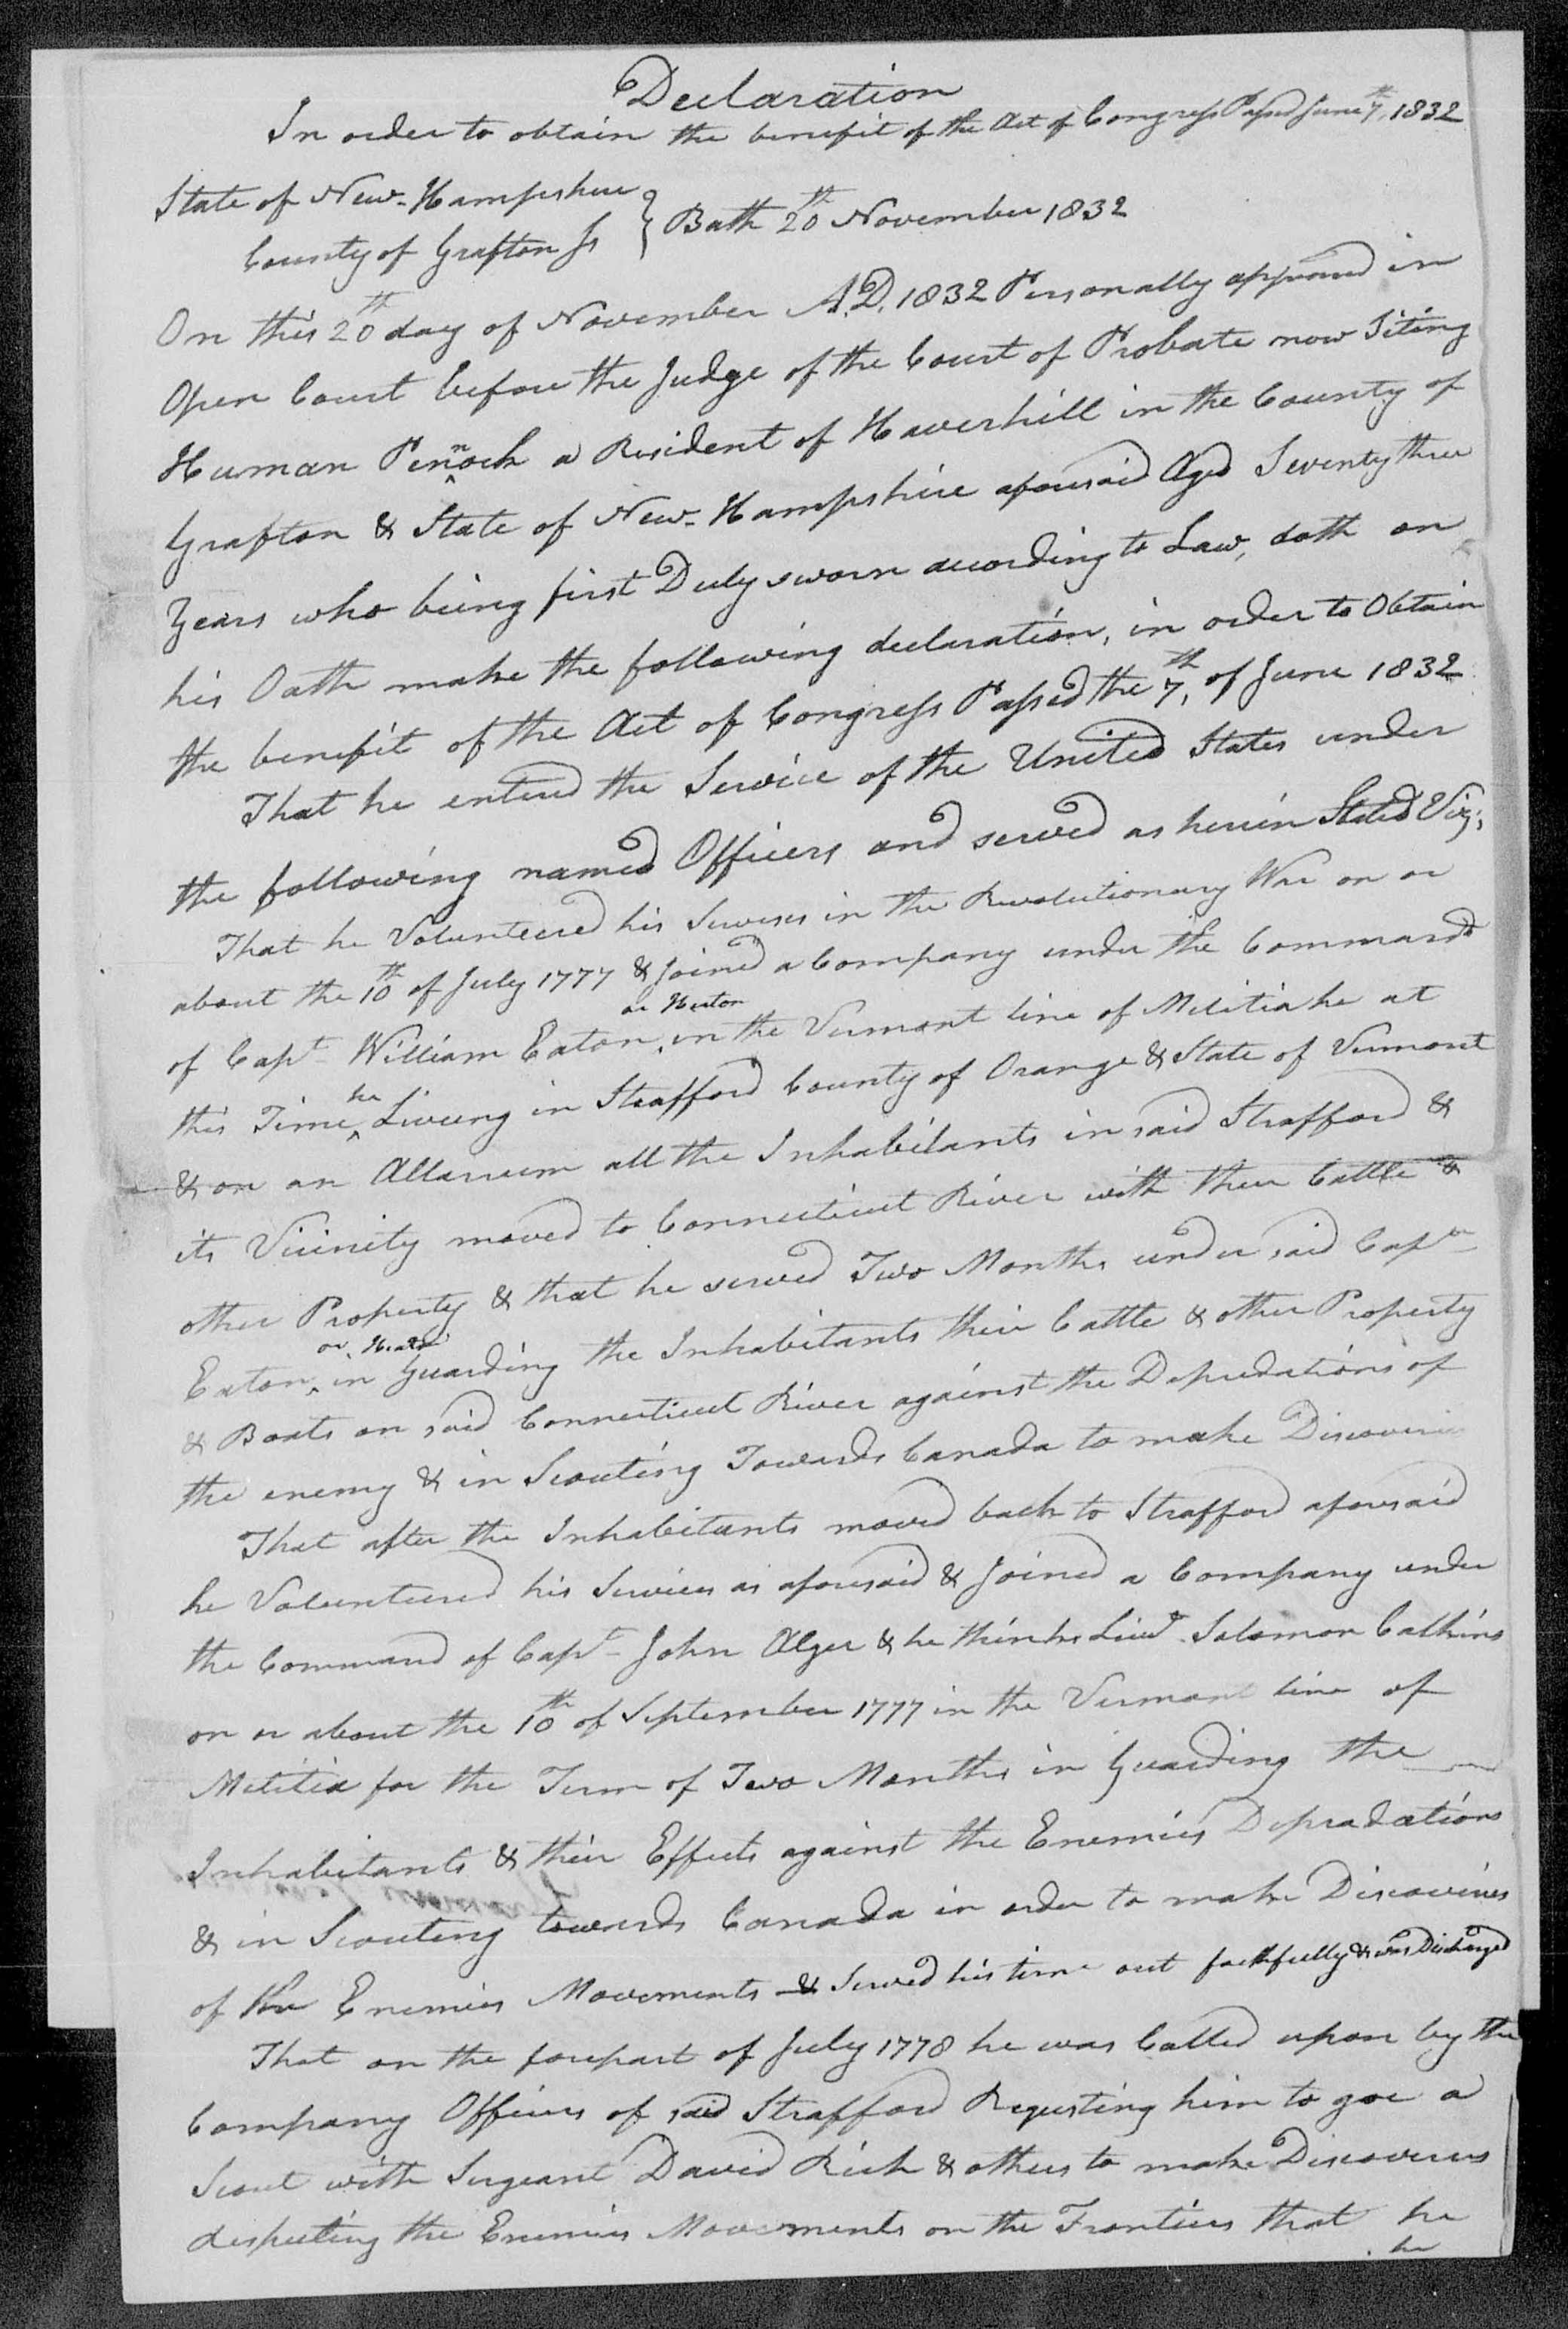Declaration

In order to obtain the benefit of the Act of Congress Passed June 7, 1832

State of New Hampshire
County of Grafton F}

Bath 20th November 1832

On the 20th day of November A.D. 1832 Personally appeared in Open Court before t he Judge of the County of Probate now sitting Haman Pennock a Resident of Haverhill in the County of Grafton & State of New Hampshire aforesaid Aged Twenty three Years who being first duly sworn according to Law, doth on his Oath make the following declaration, in order to obtain the benefit of the Act of Congress Passed the 7th, of June 1832

That he entered the Service of the United States under the following named Officers and served as herein Stated Viz;

That he volunteered his services in the Revolutionary War on or about the 10th of July 1777 & joined a Company under the Command of Capt William Eaton in Grafton, in the Vermont line of Militia at this time he Living in Strafford County of Orange & State of Vermont & on an Allarum all the Inhabitants in said Strafford & its Vicinity moved to Connecticut River with them 
 cattle & other Property & that he served Two Months under said Capt Eaton or Grafton in Guarding the Inhabitants their Cattle & other Property & Boats on said Connecticut River against the Depredations of the enemy & in Scouting Towards Canada to make Discoveries.

That after the Inhabitants moved back to Strafford aforesaid he Volunteered his Services in aforesaid & joined a Company under the Command of Capt. John Alger & he thinks Lieut Solomon Calkins on about the 10th of September 1777 in the Vermont line of Militia for the Term of Two Months in Guarding the Inhabitants & their Effects against the Enemies Depradations & in Scouting towards Canada in order to make Discoveries of the Enemies Movements & Served his time out faithfully & after discharged

That on the forepart of July 1778 he was called upon by the Company Officers of said Stafford Requesting him to go a Scout with Sergeant David Rich & others to make Discoveries disputing the enemies Movements on the Frontier that he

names: David Rich; William Eaton; Solomon Catkins; Herman Pennock; John Olger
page: 5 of 12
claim: survivor's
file: S. 18,158, for Haman Pennock, Vermont